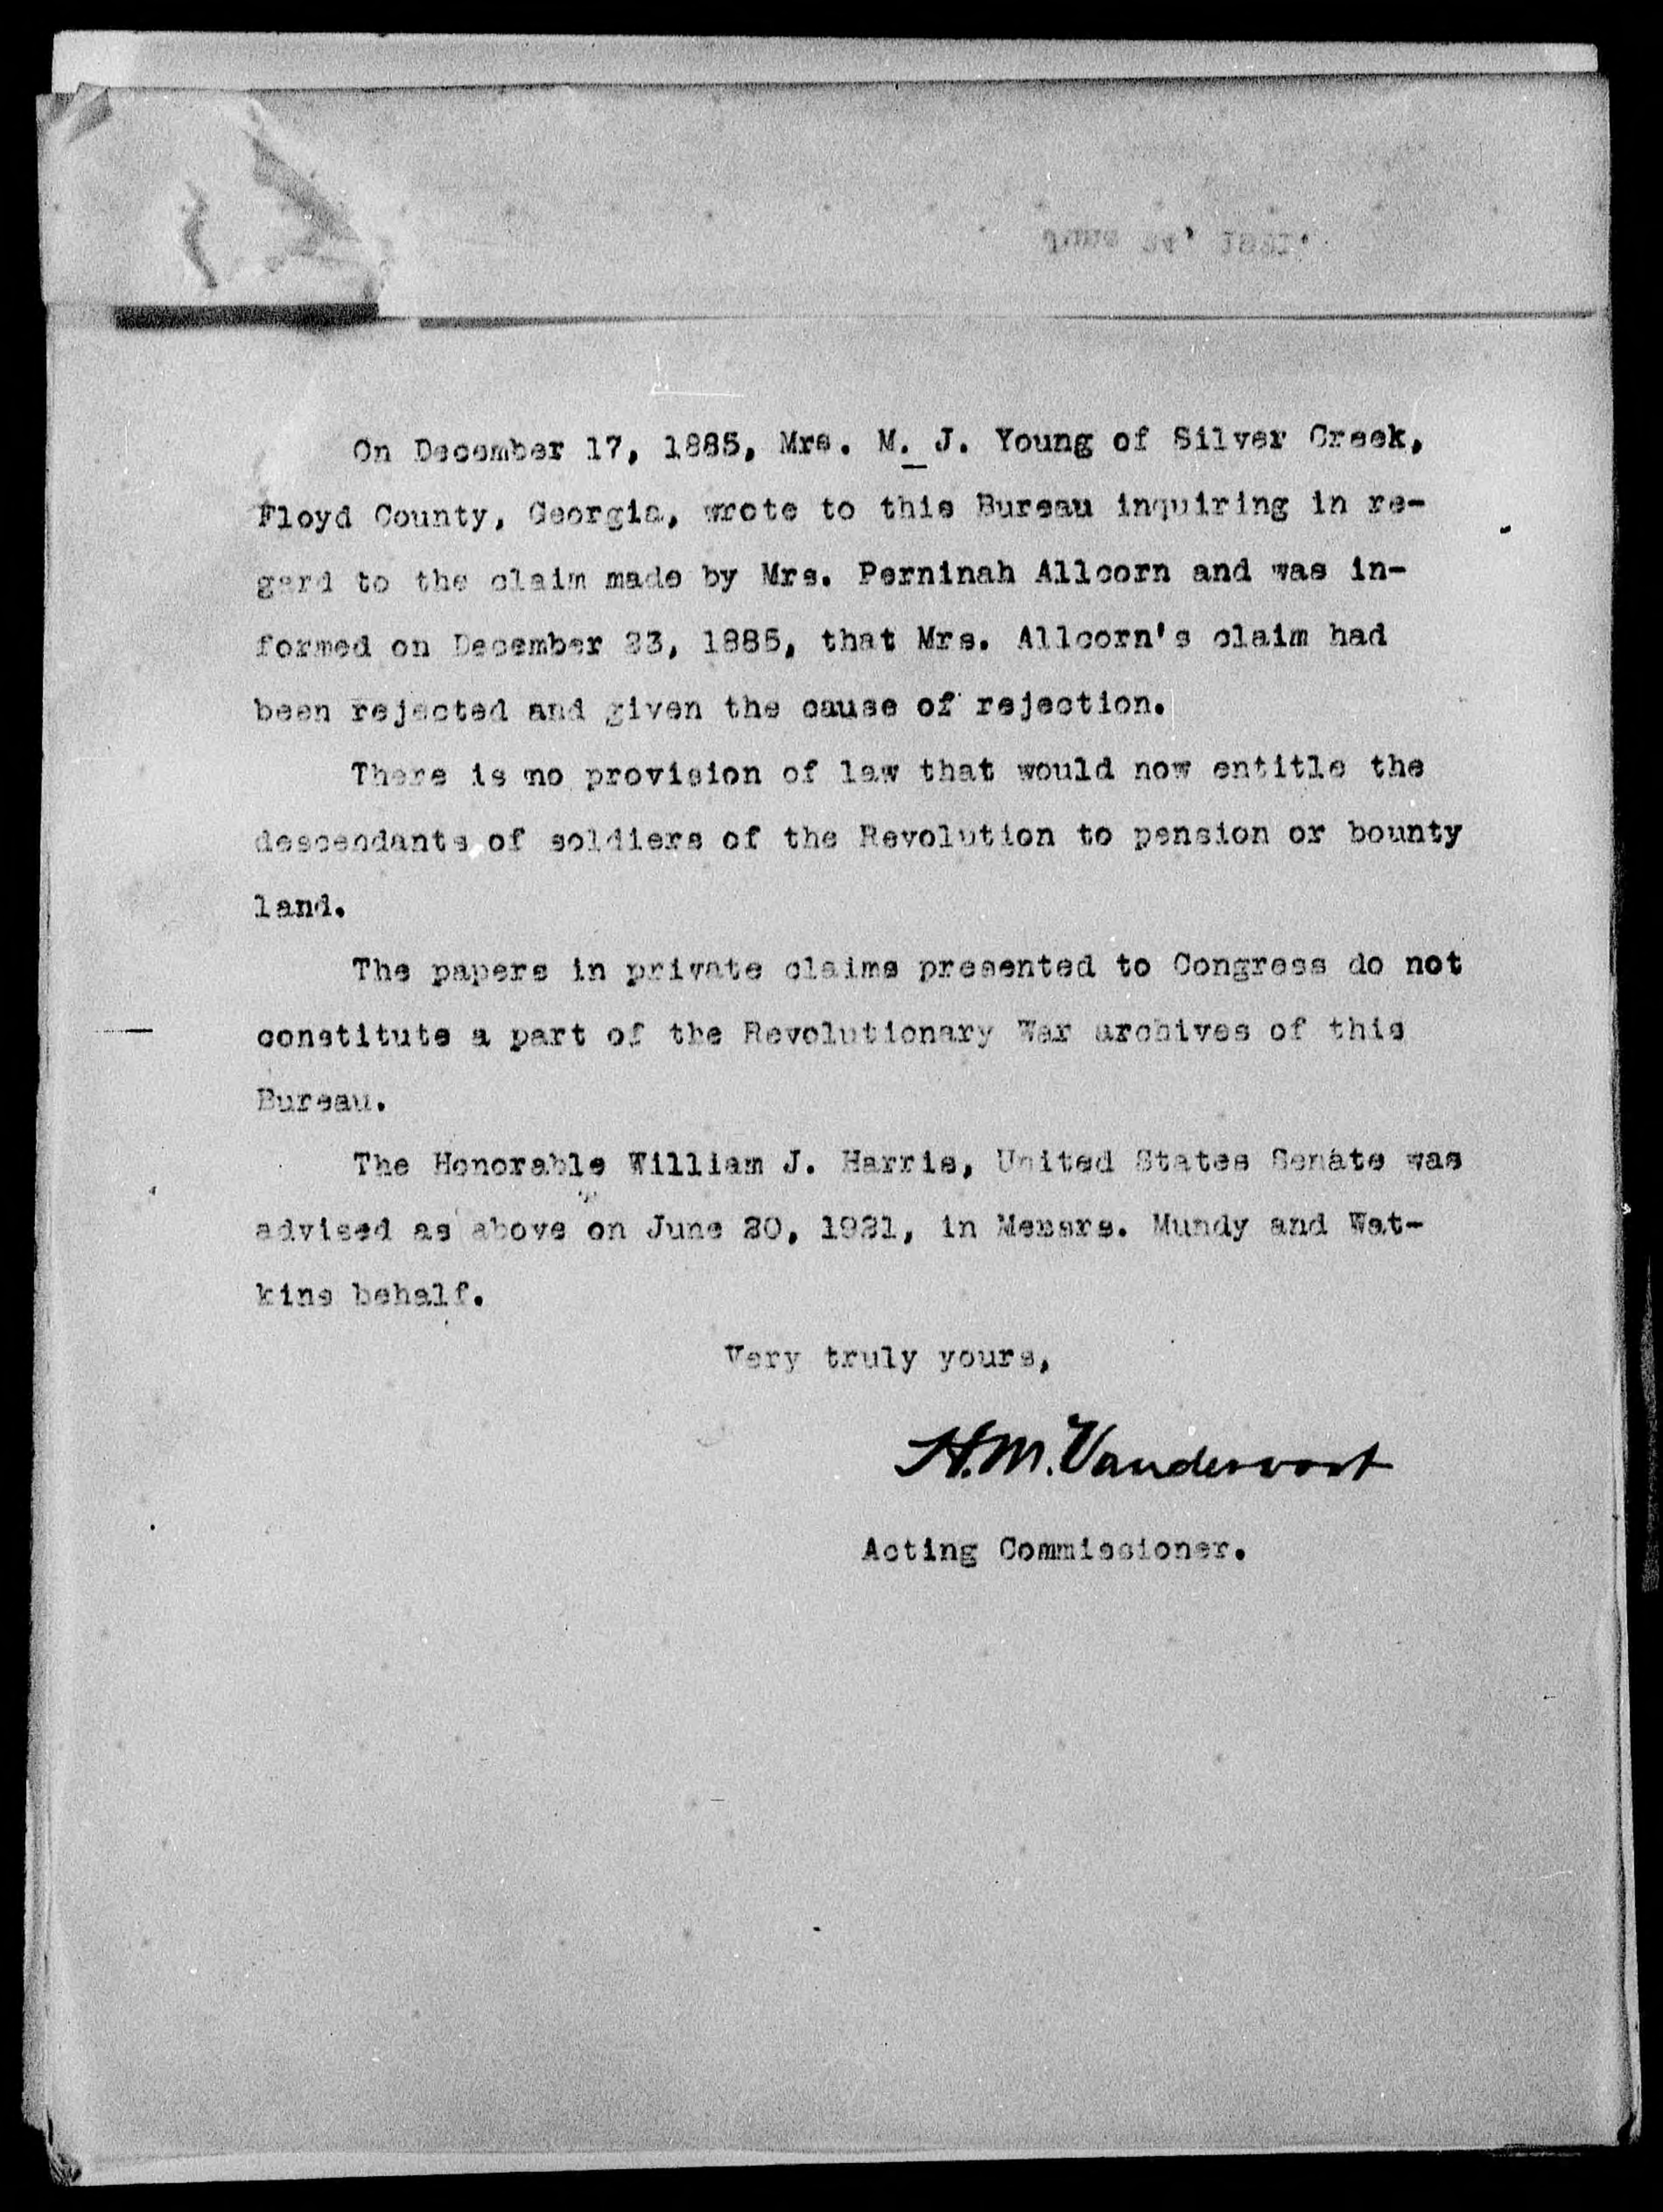On December 17, 1885, Mrs. M J. Young of Silver Creek, Floyd County, Georgia, wrote to this Bureau inquiring in regard to the claim made by Mrs. Perninah Allcorn and was informed on December 23, 1885, that Mrs. Allcorn's claim had been rejected and given the cause of rejection.
There is no provision of law that would now entitle the descendants of soldiers of the Revolution to pension or bounty land.
The paper in private claims presented to Congress do not constitute a part of the Revolutionary War archives of this Bureau.
The Honorable William J. Harris, United States Senate was advised as above on June 20, 1931, in Messers. Mundy and wakins behalf.

Very truly yours,
H.M. Vandervoot
Acting Commissioner.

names: M J Young, H M Vandervoot, William J Harris, Perninah Allcorn, Allcorn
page: 20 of 32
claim: rejected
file: R. 4655, Jesse Harris, N.C.